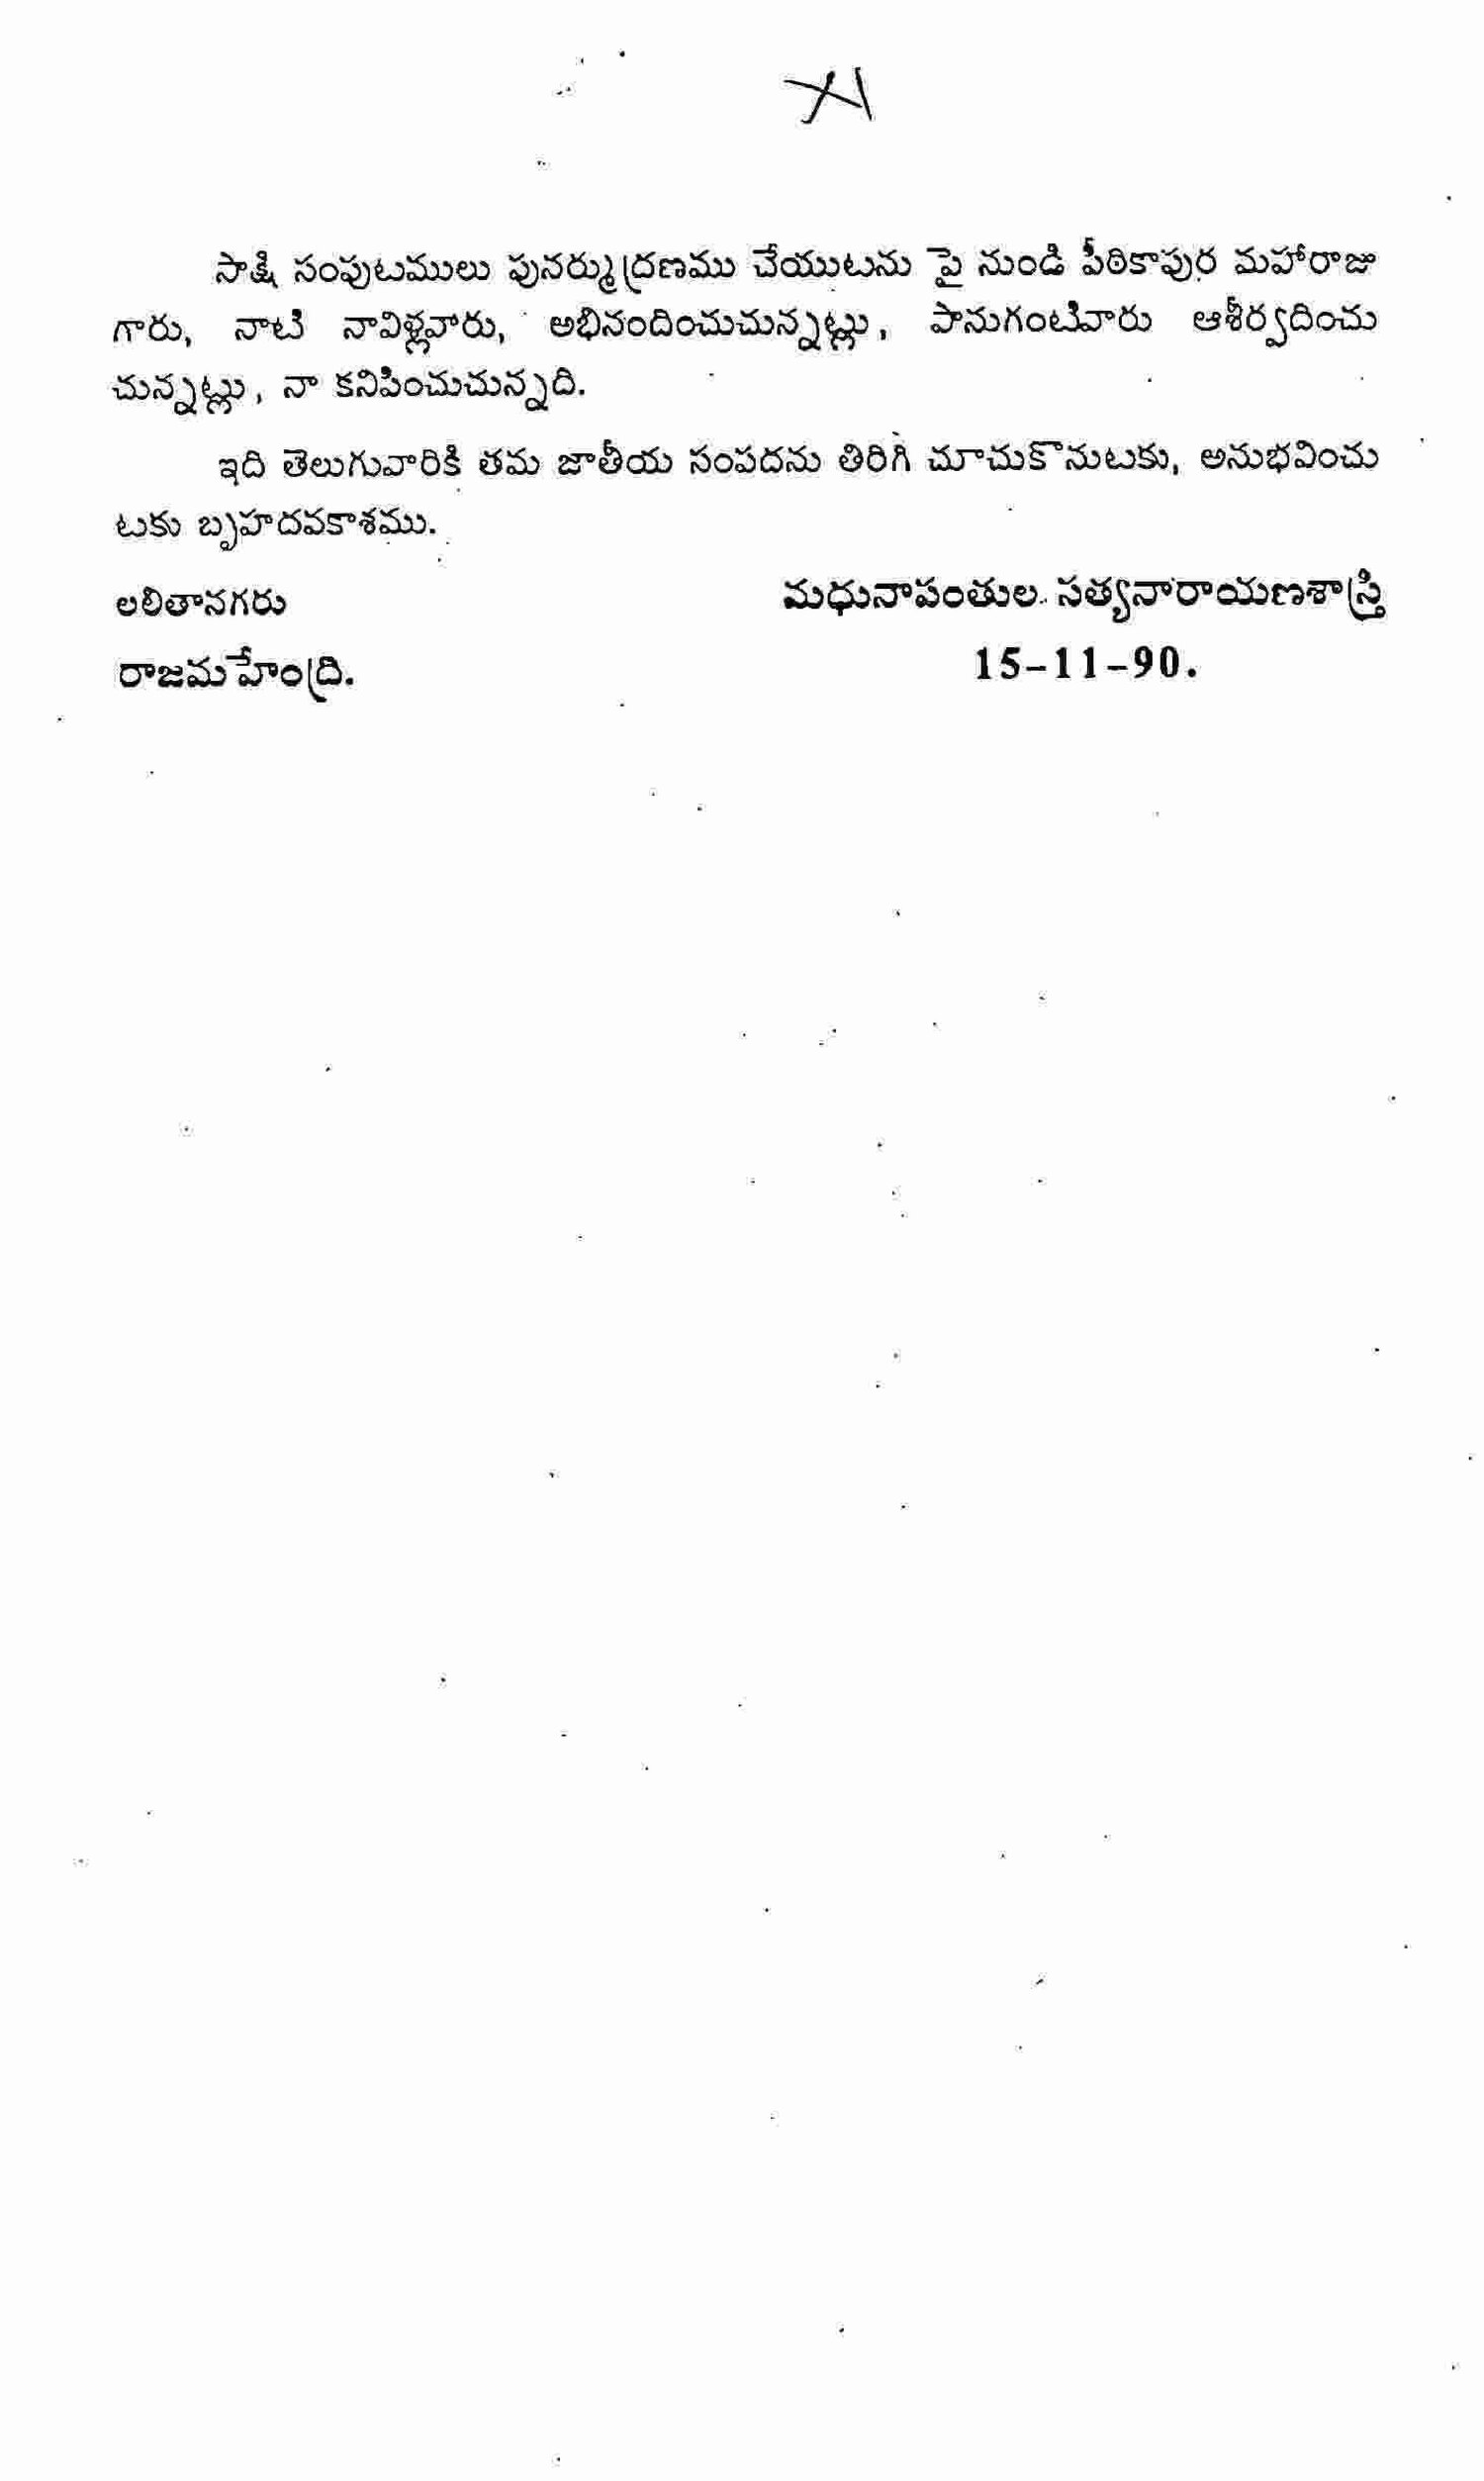సాక్షి సంపుటములు పునర్ముద్రణము చేయుటను పై నుండి పీఠికాపుర మహారాజుగారు, నాటి వావిళ్లవారు, అభినందించుచున్నట్లు, పానుగంటివారు ఆశీర్వదించు చున్నట్లు, నా కనిపించుచున్నది.

ఇది తెలుగువారికి తమ జాతీయ సంపదను తిరిగి చూచుకొనుటకు, అనుభవించుటకు బృహదవకాశము.

లలితానగరు

రాజమహేంద్రి.